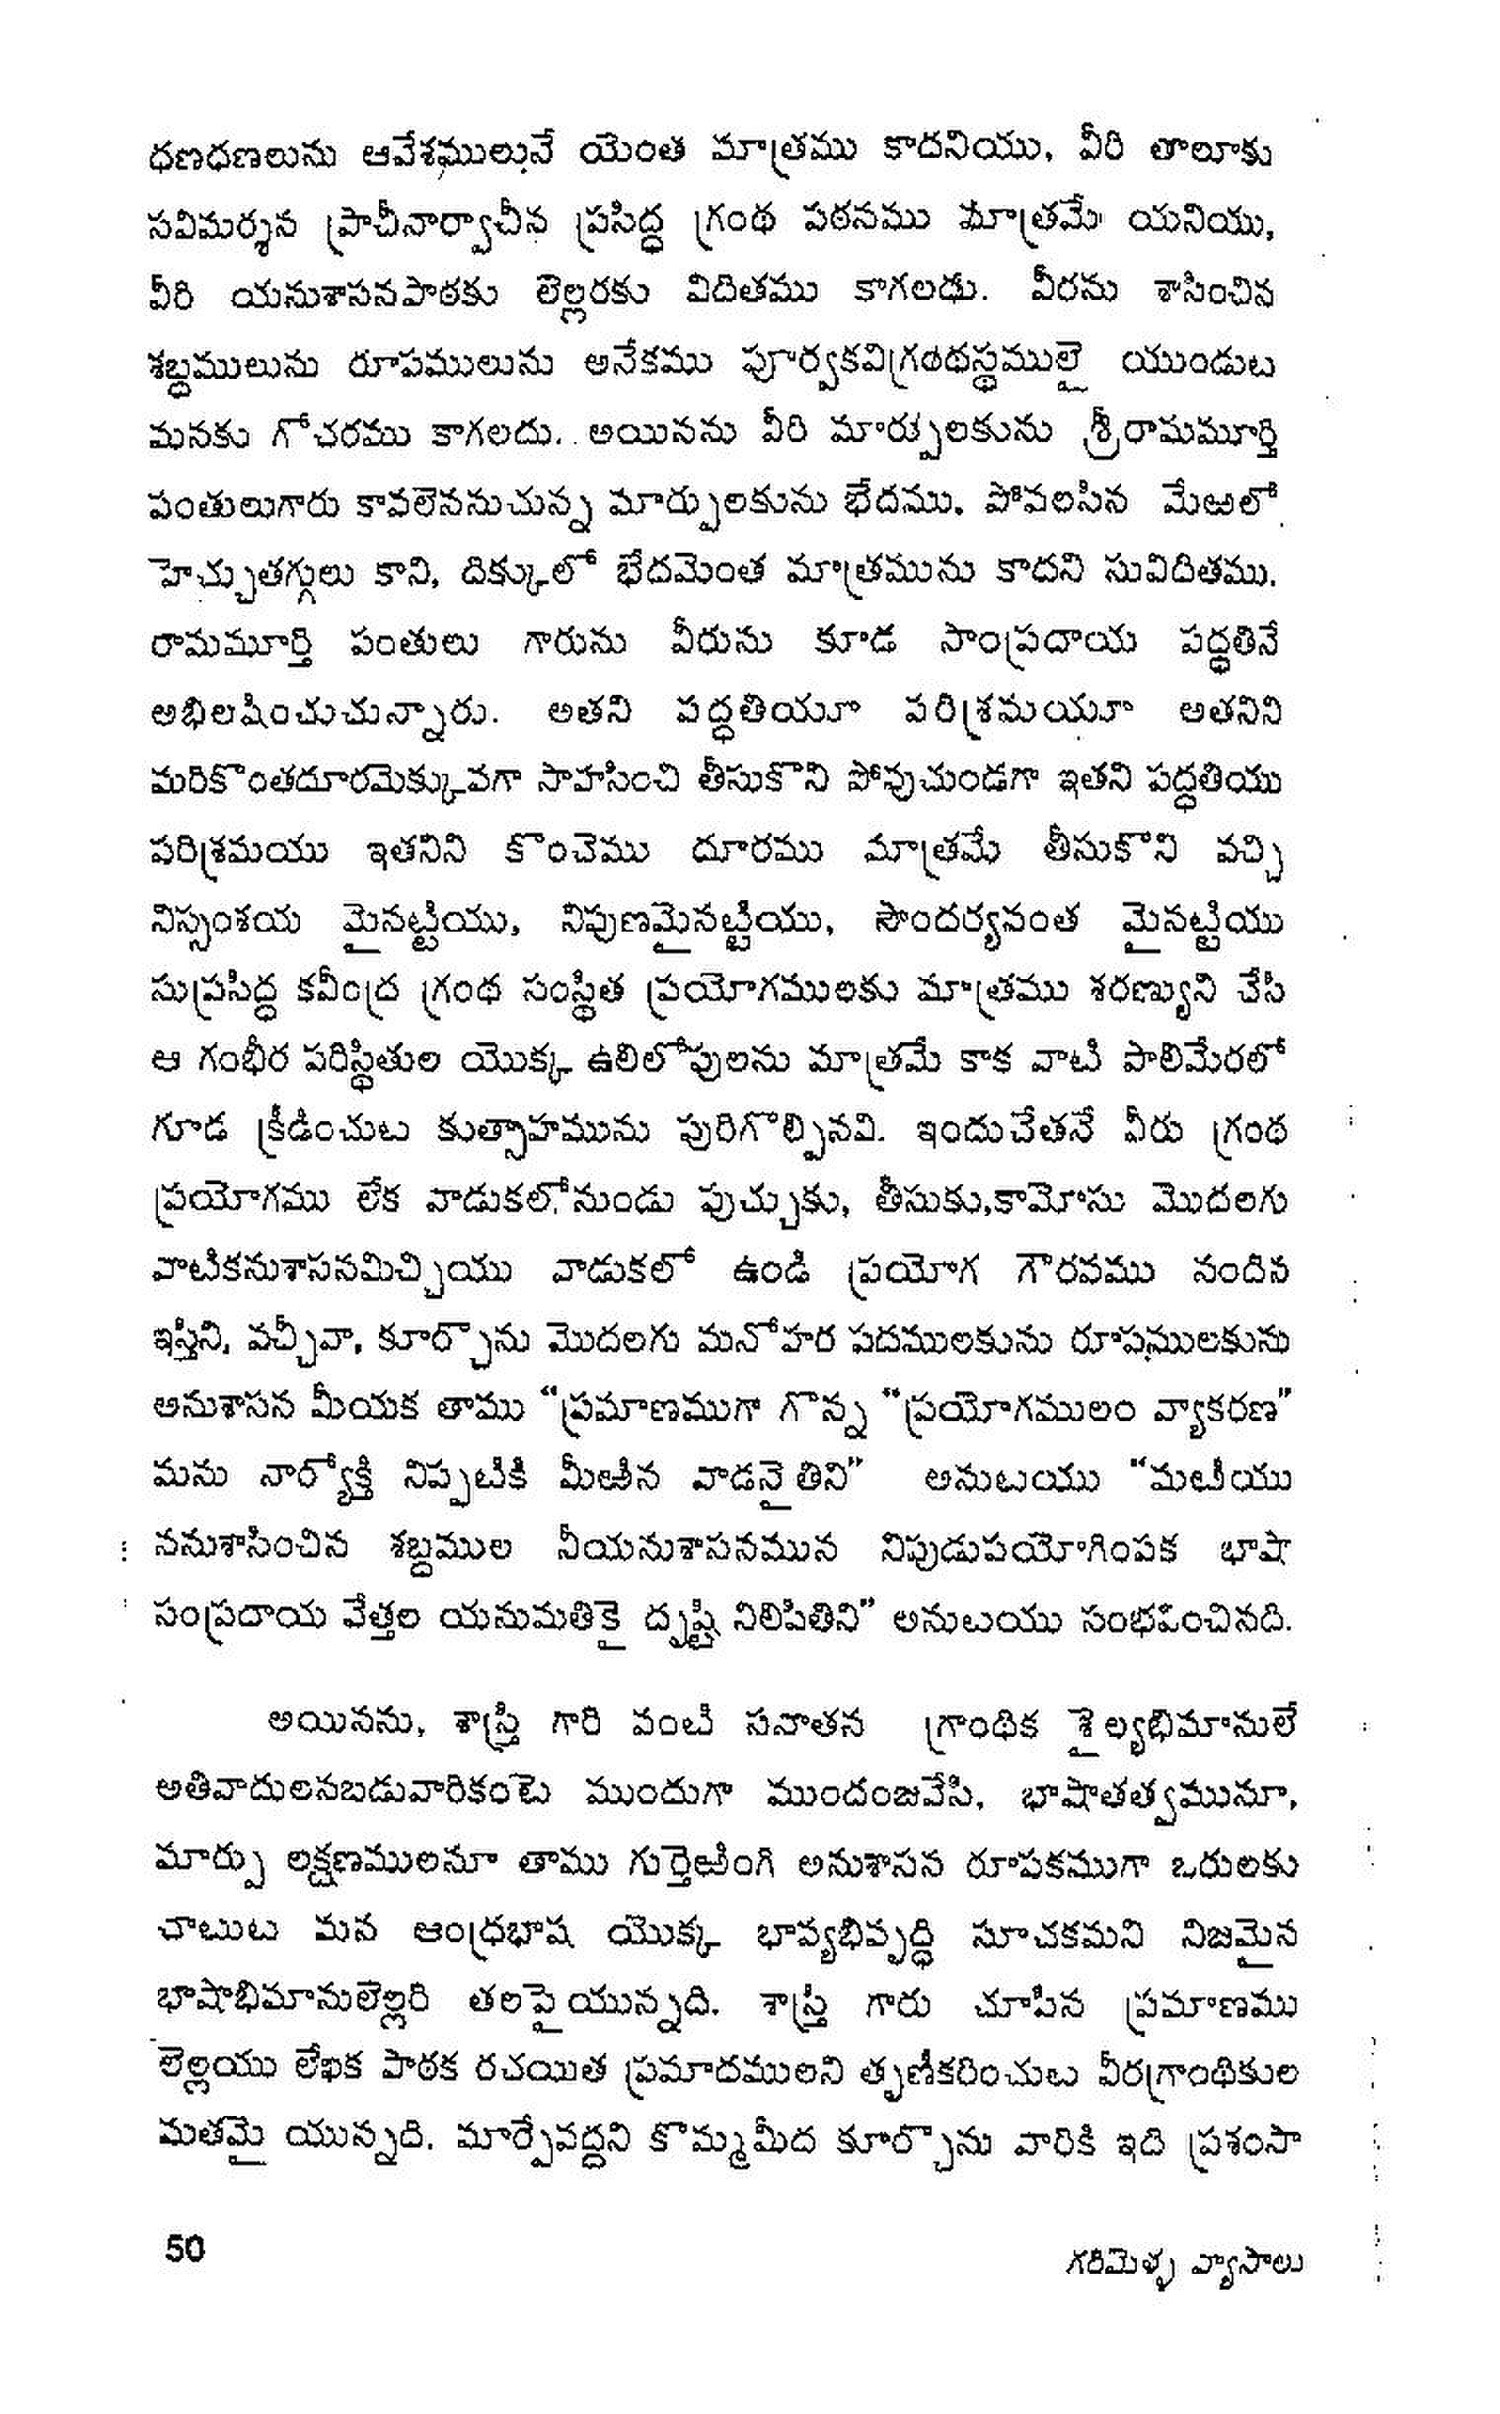ధణధణలును ఆవేశములునే యెంత మాత్రము కాదనియు, వీరి తాలూకు సవిమర్శన ప్రాచీనార్వాచీన ప్రసిద్ధ గ్రంథ పఠనము మాత్రమే యనియు, వీరి యనుశాసనపాఠకు లెల్లరకు విదితము కాగలదు. వీరను శాసించిన శబ్దములును రూపములును అనేకము పూర్వకవిగ్రంథస్థములై యుండుట మనకు గోచరము కాగలదు. అయినను వీరి మార్పులకును శ్రీరామమూర్తి పంతులుగారు కావలెననుచున్న మార్పులకును భేదము, పోవలసిన మేఱలో హెచ్చుతగ్గులు కాని, దిక్కులో భేదమెంత మాత్రమును కాదని సువిదితము. రామమూర్తి పంతులు గారును వీరును కూడ సాంప్రదయ పద్ధతినే అభిలషించుచున్నారు. అతని పద్ధతియూ పరిశ్రమయూ ఆతనిని మరికొంతదూరమెక్కువగా సాహసించి తీసుకొని పోవుచుండగా ఇతని పద్ధతియు పరిశ్రమయు ఇతనిని కొంచెము దూరము మాత్రమే తీసుకొని వచ్చి నిస్సంశయ మైనట్టియు, నిపుణమైనట్టియు, సౌందర్యవంత మైనట్టియు సుప్రసిద్ధ కవీంద్ర గ్రంథ సంస్థిత ప్రయోగములకు మాత్రమే కాక వాటి పొలిమేరలో గూడ క్రీడించుట కుత్సాహమును పురిగొల్పినవి. ఇందుచేతనే వీరు గ్రంథప్రయోగము లేక వాడుకలోనుండు పుచ్చుకు, తీసుకు, కామోసు మొదలగు వాటికనుశాసనమిచ్చియు వాడుకలో ఉండి ప్రయోగ గౌరవము నందిన ఇస్తిని, వచ్చీవా, కూర్చొను మొదలగు మనోహర పదములకును రూపములకును అనుశాసన మీయక తాము "ప్రమాణముగా గొప్ప "ప్రయోగములం వ్యాకరణ" మను నార్యోక్తి నిప్పటికి మీఱిన వాడనైతిని" అనుటయు "మఱియు ననుశాసించిన శబ్దముల నీయనుశాసనమున నిపుడుపయోగింపక భాషా సంప్రదాయ వేత్తల యనుమతికై దృష్టి నిలిపితిని" అనుటయు సంభవించినది. 

అయినను, శాస్త్రి గారి వంటి సనాతన గ్రాంథిక శైల్యభిమానులే అతివాదులనబడువారికంటె ముందుగా ముందంజవేసి, భాషాతత్వమునూ, మార్పు లక్షణములనూ తాము గుర్తెఱింగి అనుశాసన రూపకముగా ఒరులకు చాటుట మన ఆంధ్రభాష యొక్క భావ్యభివృద్ది సూచకమని నిజమైన భాషాభిమానులెల్లరి తలపైయున్నది. శాస్త్రి గారు చూపిన ప్రమాణము లెల్లయు లేఖక పాఠక రచయిత ప్రమాదములని తృణీకరించుట వీరగ్రాంథికుల మతమై యున్నది. మార్పేవద్దని కొమ్మమీద కూర్చొను వారికి ఇది ప్రశంసా